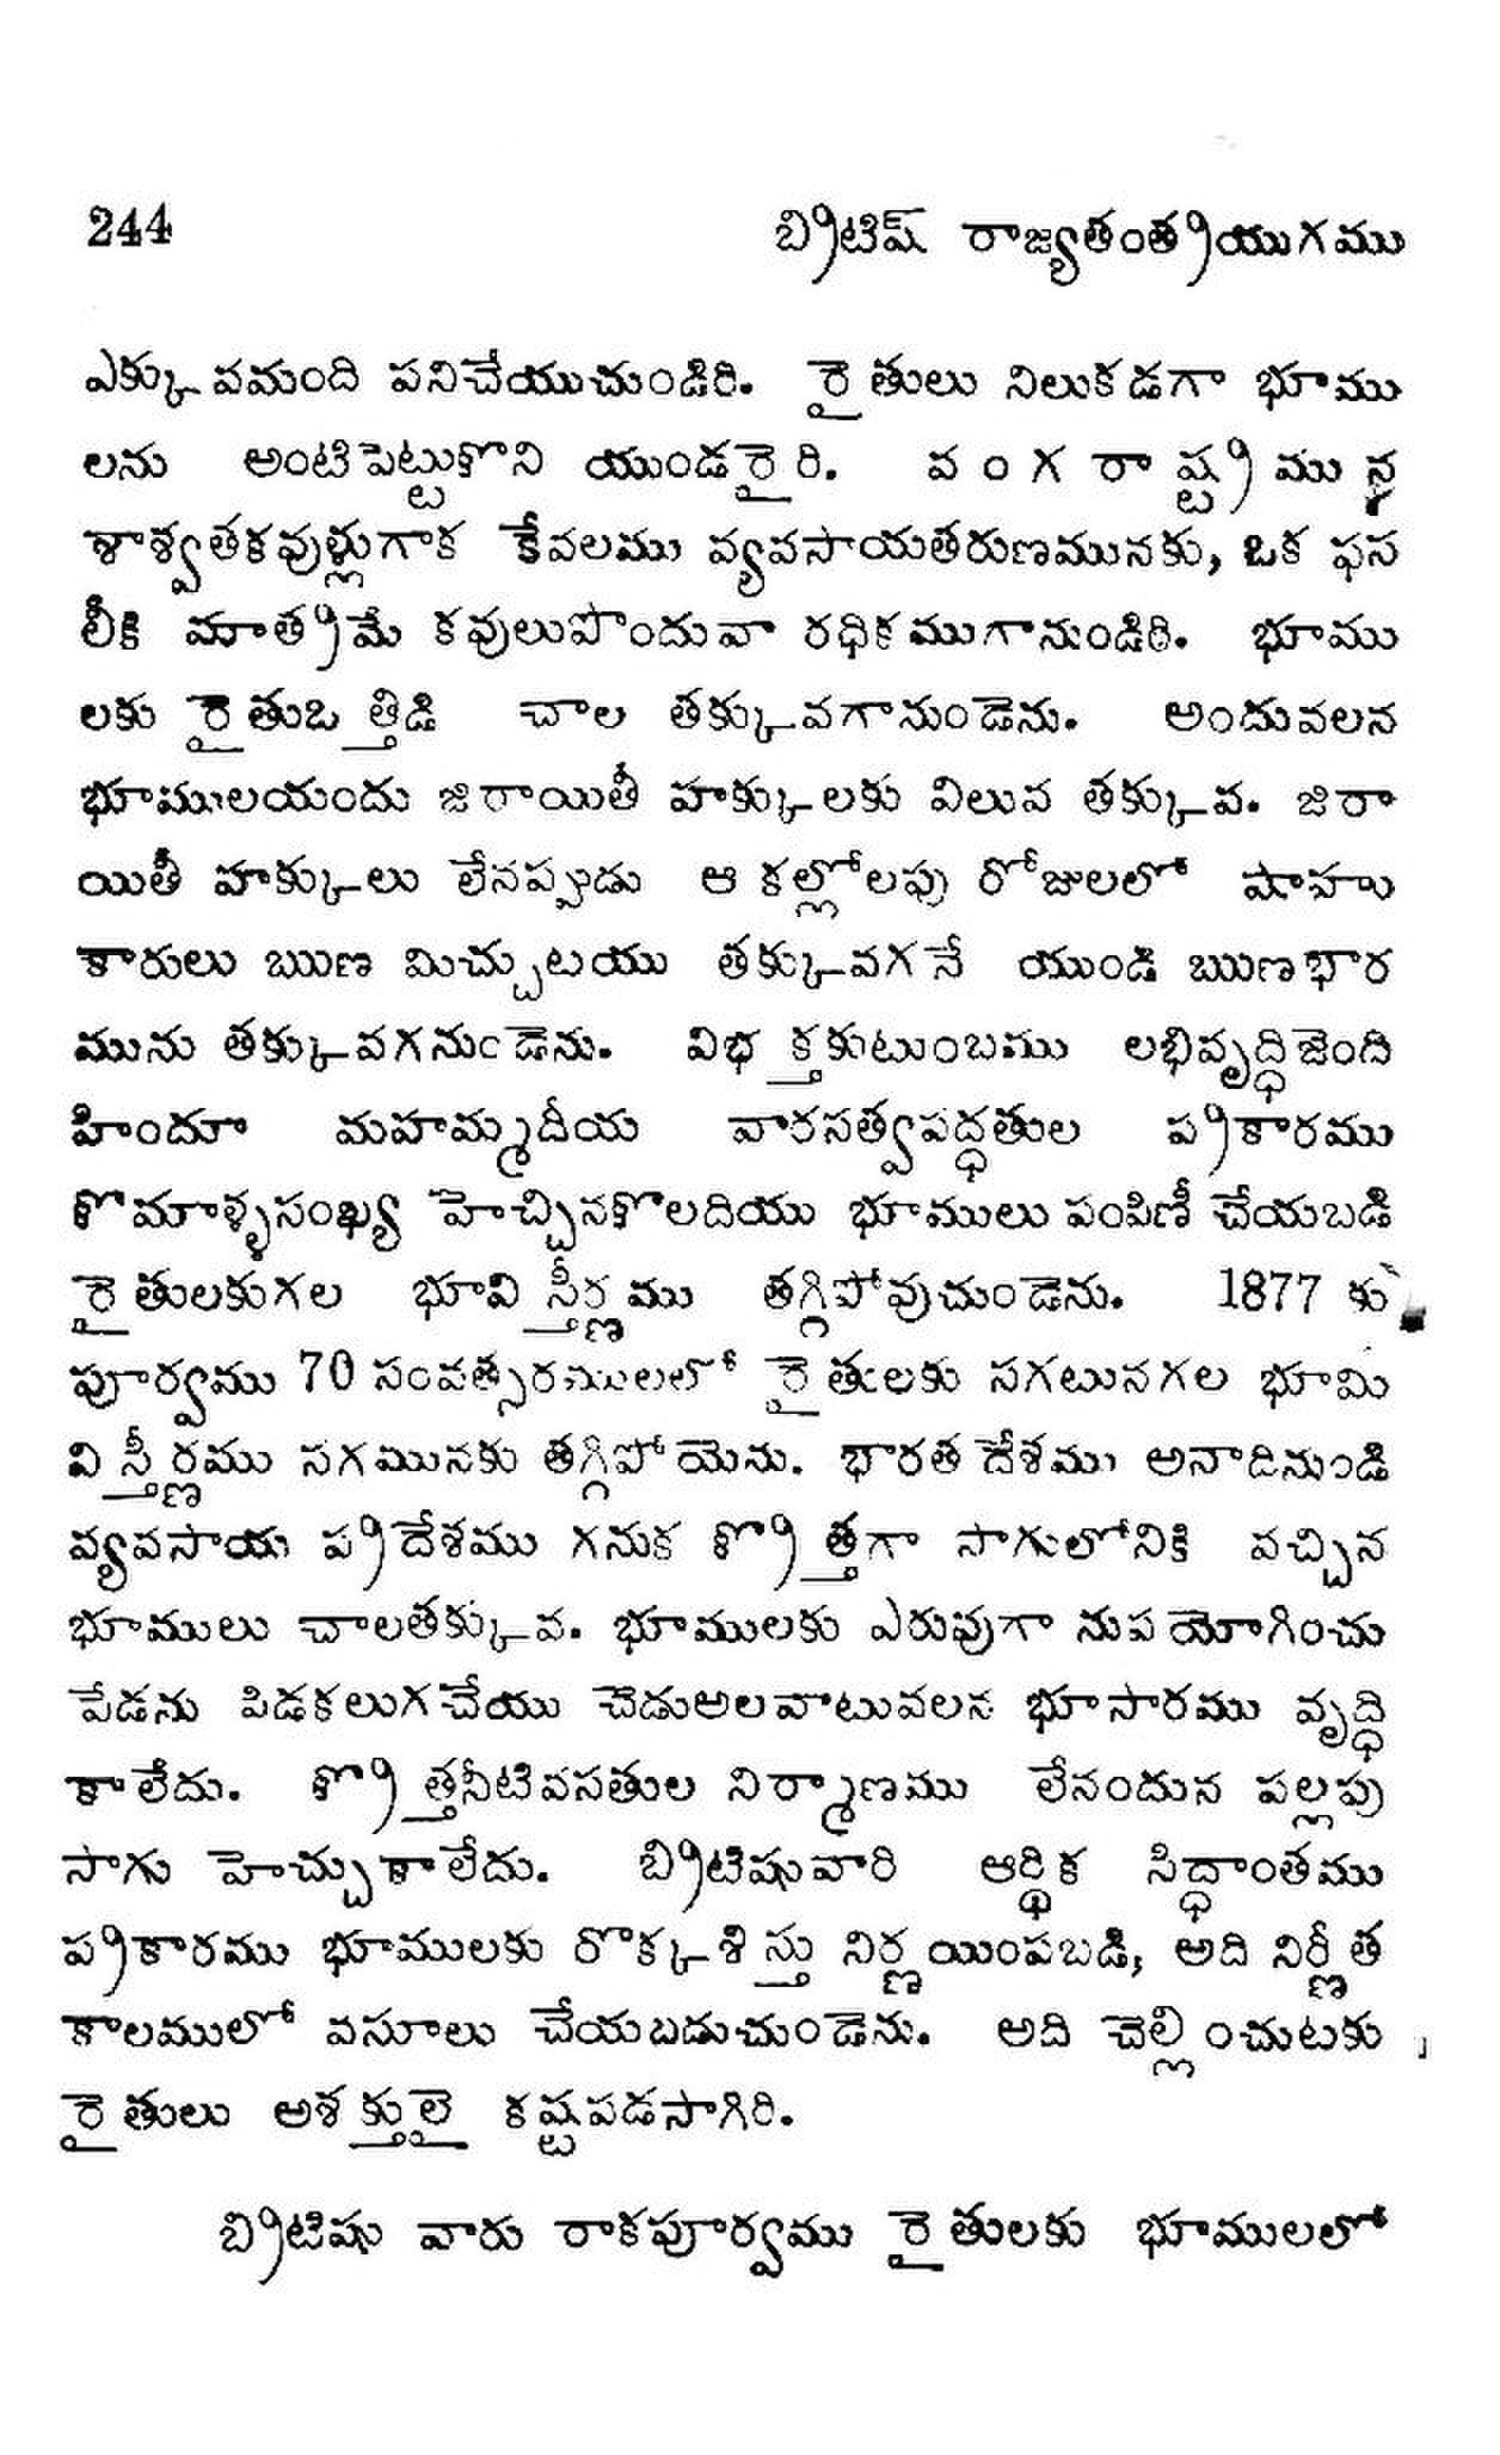ఎక్కువమంది పనిచేయుచుండిరి. రైతులు నిలుకడగా భూములను అంటిపెట్టుకొని యుండరైరి. వంగరాష్ట్రమున శాశ్వతకవుళ్లుగాక కేవలము వ్యవసాయతరుణమునకు, ఒక ఫసలీకి మాత్రమే కవులుపొందువా రధికముగానుండిరి. భూములకు రైతుఒత్తిడి చాల తక్కువగానుండెను. అందువలన భూములయందు జిరాయితీ హక్కులకు విలువ తక్కువ. జిరాయితీ హక్కులు లేనప్పుడు ఆ కల్లోలపు రోజులలో షాహుకారులు ఋణ మిచ్చుటయు తక్కువగ నే యుండి ఋణభారమును తక్కువగనుండెను. విభక్తకుటుంబము లభివృద్ధిజెంది హిందూ మహమ్మదీయ వారసత్వపద్ధతుల ప్రకారము కొమాళ్ళసంఖ్య హెచ్చినకొలదియు భూములు పంపిణీ చేయబడి రైతులకుగల భూవిస్తీర్ణము తగ్గిపోవుచుండెను. 1877 కు పూర్వము 70 సంవత్సరములలో రైతులకు సగటునగల భూమివిస్తీర్ణము సగమునకు తగ్గిపోయెను. భారతదేశము అనాదినుండి వ్యవసాయ ప్రదేశము గనుక క్రొత్తగా సాగులోనికి వచ్చిన భూములు చాలతక్కువ. భూములకు ఎరువుగా నుపయోగించు పేడను పిడకలుగచేయు చెడుఅలవాటువలన భూసారము వృద్ధికాలేదు. క్రొత్తనీటివసతుల నిర్మాణము లేనందున పల్లపుసాగు హెచ్చుకాలేదు. బ్రిటిషువారి ఆర్థిక సిద్ధాంతము ప్రకారము భూములకు రొక్కశిస్తు నిర్ణయింపబడి, అది నిర్ణీతకాలములో వసూలు చేయబడుచుండెను. అది చెల్లించుటకు రైతులు అశక్తులై కష్టపడసాగిరి.

బ్రిటిషు వారు రాకపూర్వము రైతులకు భూములలో